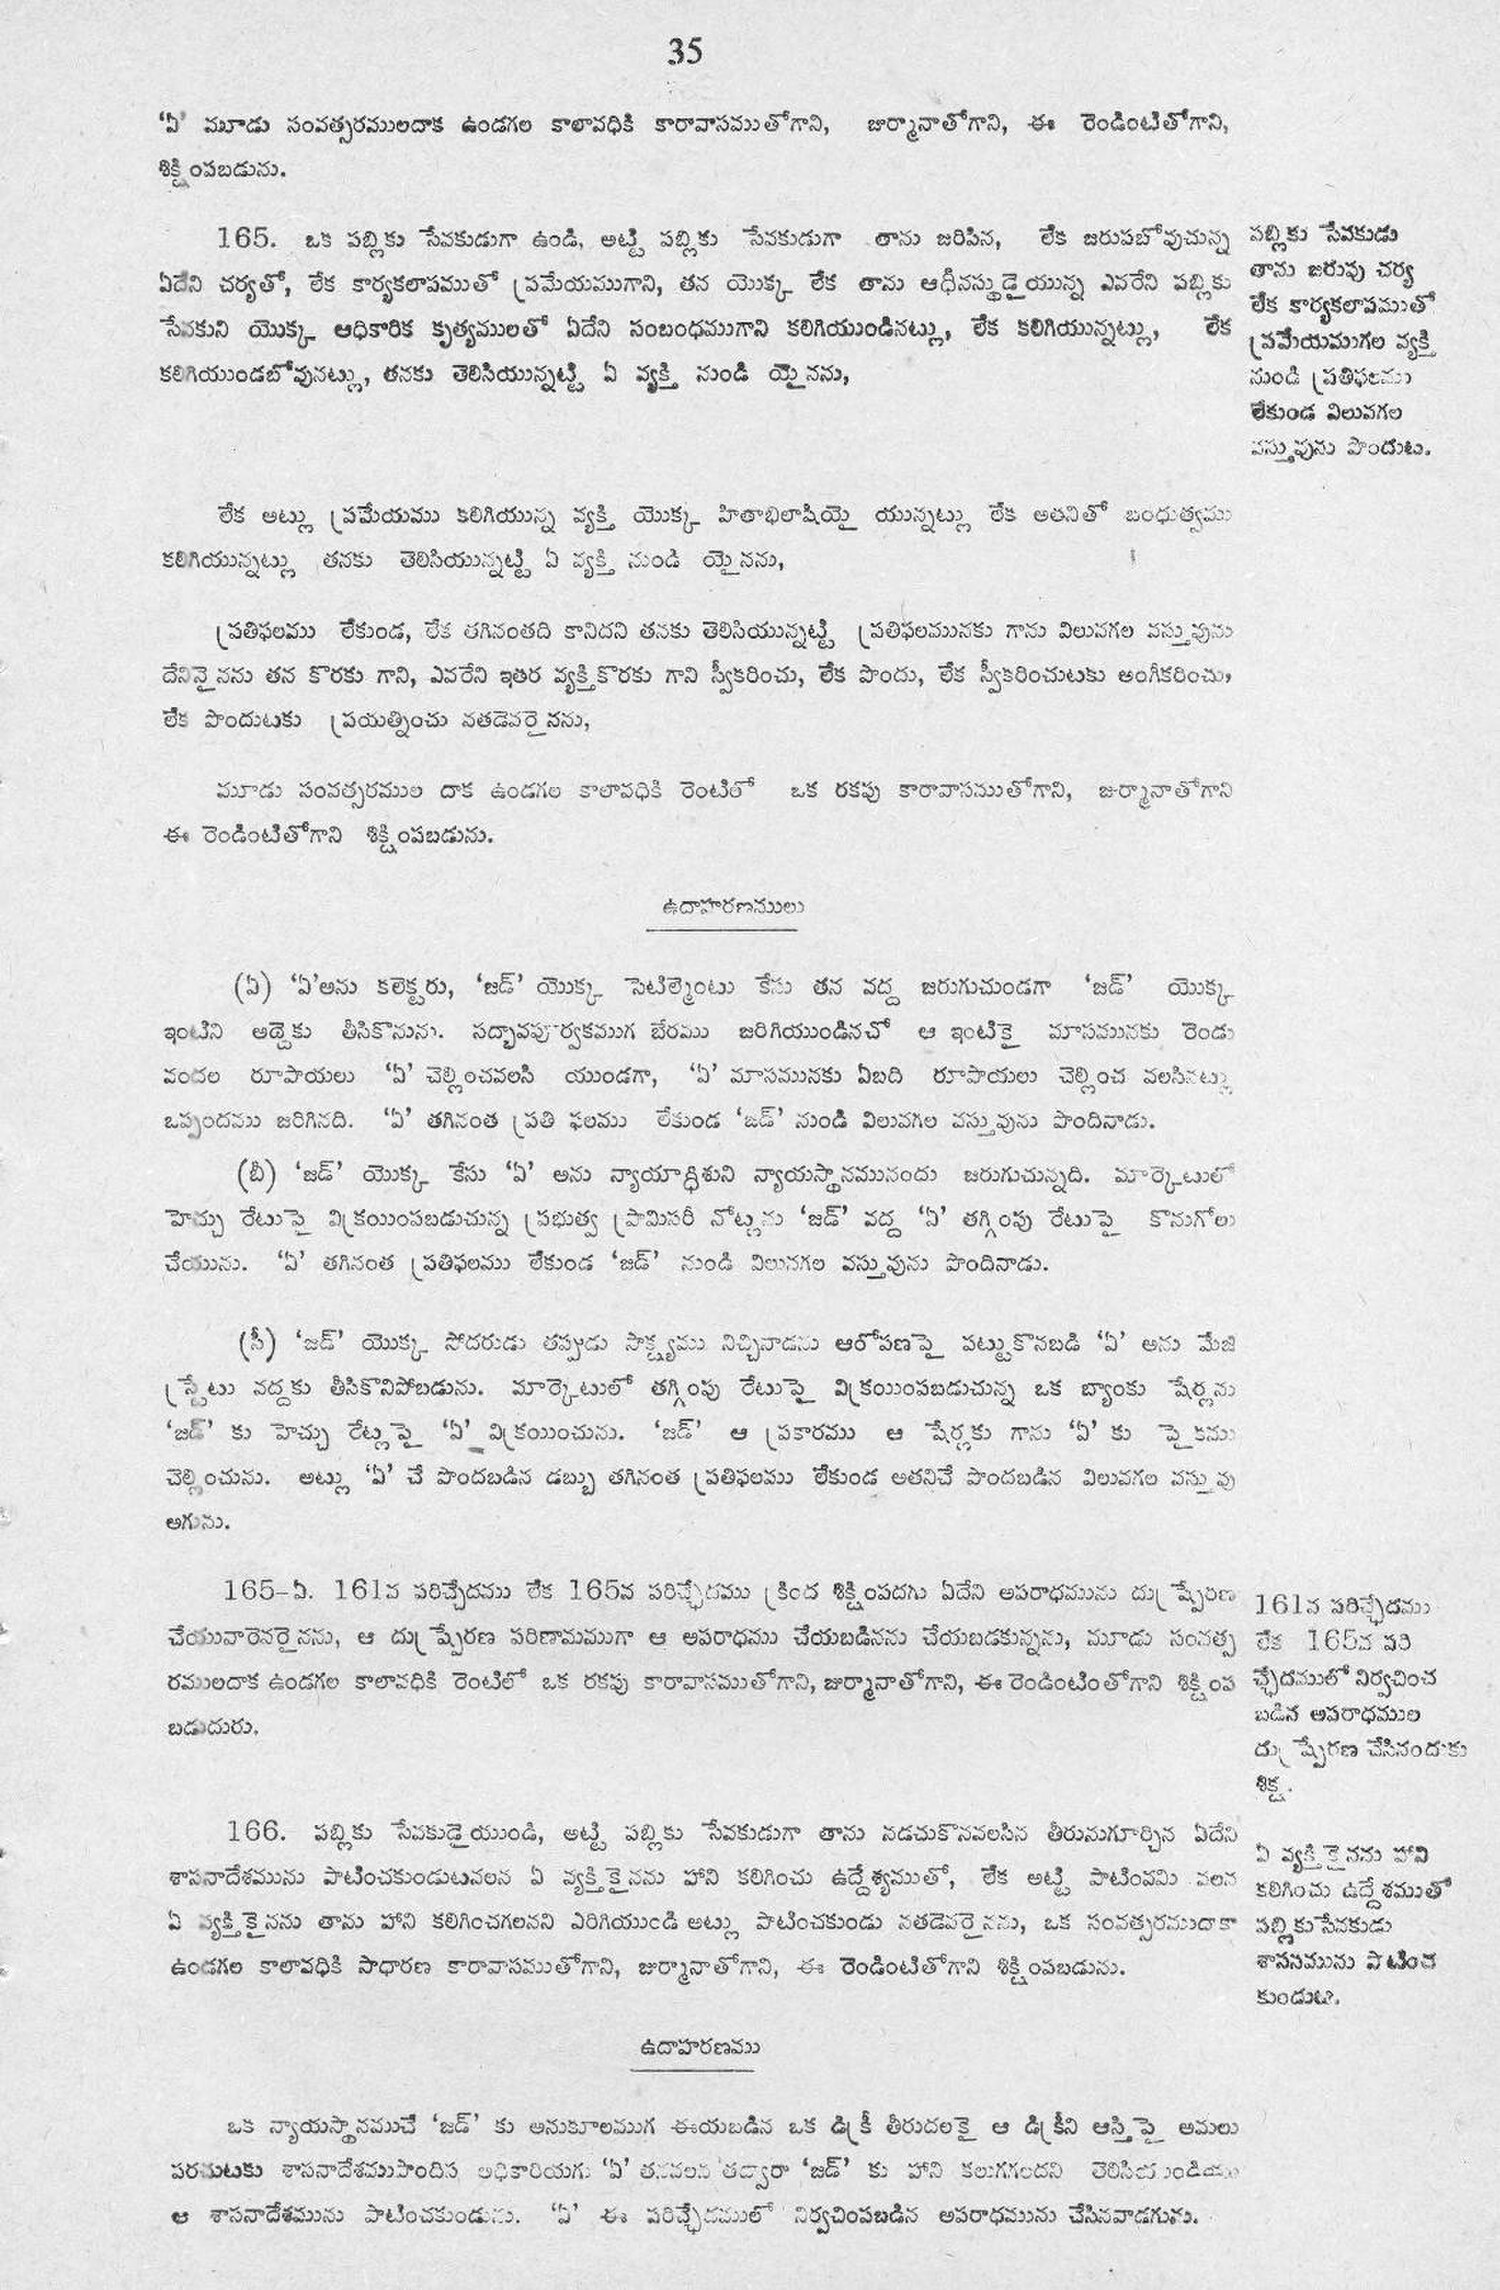'ఏ' మూడు సంవత్సరములదాక ఉండగల కాలావధికి కారావాసముతోగాని, జర్మానాతోగాని, ఈ రెండింటితోగాని,
శిక్షింపబడును.

పబ్లికు సేవకుడు తాను జరుపు చర్య లేక కార్యకలాపముతో ప్రమేయము గల వ్యక్తి నుండి ప్రతిఫలము లేకుండ విలువగల వస్తువును పొందుట.

165. ఒక పబ్లికు సేవకుడుగా ఉండి, అట్టి పబ్లికు సేవకుడుగా తాను జరిపిన, లేక జరుపబోవుచున్న ఏదేని చర్యతో, లేక కార్యకలాపముతో ప్రమేయముగాని, తన యొక్క లేక తాను ఆధీనస్థుడై యున్న ఎవరేని పబ్లికు సేవకుని యొక్క అధికారిక కృత్యములతో ఏదేని సంబంధముగాని కలిగియుండినట్లు , లేక కలిగియున్నట్లు, కలిగియుండబోవునట్లు, తనకు తెలిసియున్నట్టి ఏ వ్యక్తి నుండి యైనను,

లేక ఆట్లు ప్రమేయము కలిగియున్న వ్యక్తి యొక్క హితాభిలాషియై యున్నట్లు లేక అతనితో బంధుత్వము కలిగియున్నట్లు తనకు తెలిసియున్నట్టి ఏ వ్యక్తి నుండి యైనను,

ప్రతిఫలము లేకుండ, లేక తగినంతది కానిదని తనకు తెలిసియున్నట్టి ప్రతిఫలమునకు గాను విలువగల వస్తువును
దేనినైనను తన కొరకు గాని, ఎవరేని ఇతర వ్యక్తి కొరకు గాని స్వీకరించు, లేక పొందు, లేక స్వీకరించుటకు అంగీకరించు, లేక పొందుటకు ప్రయత్నించు నతడెవరైనను,

మూడు సంవత్సరముల దాక ఉండగల కాలావధికి రెంటిలో ఒక రకపు కారావాసముతో గాని, జుర్మానాతో గాని ఈ రెండింటితోగాని శిక్షింపబడును.

(ఏ) 'ఏ'అను కలెక్టరు, 'జడ్' యొక్క సెటిల్మెంటు కేసు తన వద్ద జరుగుచుండగా 'జడ్' యొక్క ఇంటిని అద్దెకు తీసికొనును. సద్భావపూర్వకముగ బేరము జరిగియుండినచో ఆ ఇంటికై మాసమునకు రెండు వందల రూపాయలు “ఏ' చెల్లించవలసి యుండగా, 'ఏ' మాసమునకు ఏబది రూపాయలు చెల్లించ వలసినట్లు ఒప్పందము జరిగినది. 'ఏ' తగినంత ప్రతి ఫలము లేకుండ 'జడ్' నుండి విలువగల వస్తువును పొందినాడు.

(బీ) 'జడ్' యొక్క కేసు 'ఏ' అను న్యాయాధీశుని న్యాయస్థానమునందు జరుగుచున్నది. మార్కెటులో హెచ్చు రేటు పై విక్రయింపబడుచున్న ప్రభుత్వ ప్రామిసరీ నోట్లను 'జడ్' వద్ద 'ఏ' తగ్గింపు రేటు పై కొనుగోలు చేయును. 'ఏ' తగినంత ప్రతిఫలము లేకుండ 'జడ్' నుండి విలువగల వస్తువును పొందినాడు.

(సీ) 'జడ్' యొక్క సోదరుడు తప్పుడు సాక్ష్యము నిచ్చినాడను ఆరోపణ పై పట్టు కొనబడి 'ఏ' అను మేజిస్ట్రేటు వద్దకు తీసికొనిపోబడును. మార్కెటులో తగ్గింపు రేటు పై విక్రయింపబడుచున్న ఒక బ్యాంకు షేర్లను 'జడ్' కు హెచ్చు రేట్ల పై 'ఏ' విక్రయించును. 'జడ్' ఆ ప్రకారము ఆ షేర్లకు గాను 'ఏ' కు పైకము చెల్లించును. అట్లు 'ఏ' చే పొందబడిన డబ్బు తగినంత ప్రతిఫలము లేకుండ అతనిచే పొందబడిన విలువగల వస్తువు అగును.

161వ పరిచ్చేదము లేక 165వ పరిచ్ఛేదము నిర్వచించబడిన అపరాధముల దుష్ప్రేరణ చేసినందుకు శిక్ష.

165-ఏ. 161వ పరిచ్చేదము లేక 165వ పరిచ్ఛేదము క్రింద శిక్షింపదగు ఏదేని అపరాధమును దుష్ప్రేరణ
చేయువారెవరైనను, ఆ దుష్ప్రేరణ పరిణామముగా ఆ అపరాధము చేయబడినను చేయబడకున్నను, మూడు సంవత్స 
రములదాక ఉండగల కాలావధికి రెంటిలో ఒక రకపు కారావాసముతో గాని, జుర్మానాతో గాని, ఈ రెండింటింతోగాని శిక్షింప బడుదురు.

ఏ వ్యక్తి కైనను హాని కలిగించు ఉద్దేశముతో పబ్లికు సేనకుడు శాసనమును పాటించకుండుట,

166. పబ్లికు సేవకుడై యుండి, అట్టి పబ్లికు సేవకుడుగా తాను నడచుకొనవలసిన తీరును గూర్చిన ఏదేని శాసనాదేశమును పాటించకుండుటవలన ఏ వ్యక్తి కైనను హాని కలిగించు ఉద్దేశ్యముతో, లేక అట్టి పాటించని వలన
ఏ వ్యక్తి కైనను తాను హాని కలిగించగలనని ఎరిగియుండి అట్లు పాటించకుండు నతడెవరైనను, ఒక సంవత్సరము దాకా ఉండగల కాలావధికి సాధారణ కారావాసముతోగాని, జుర్మానా తో గాని, ఈ రెండింటితోగాని శిక్షింపబడును.

ఒక న్యాయస్థా నముచే 'జడ్' కు అనుకూలముగ ఈయబడిన ఒక డిక్రీ తీరుదలకై డిక్రీని ఆస్తి పై అమలు పరచుటకు శాసనాదేశము పొందిన అధికారియగు 'ఏ' తనవలన తద్వారా 'జడ్' కు హాని కలుగగలదని తెలిసియుండియు
ఆ శాసనాదేశమును పాటించకుండును. 'ఏ' ఈ పరిచ్ఛేదములో నిర్వచింపబడిన అపరాధమును చేసినవాడగును.